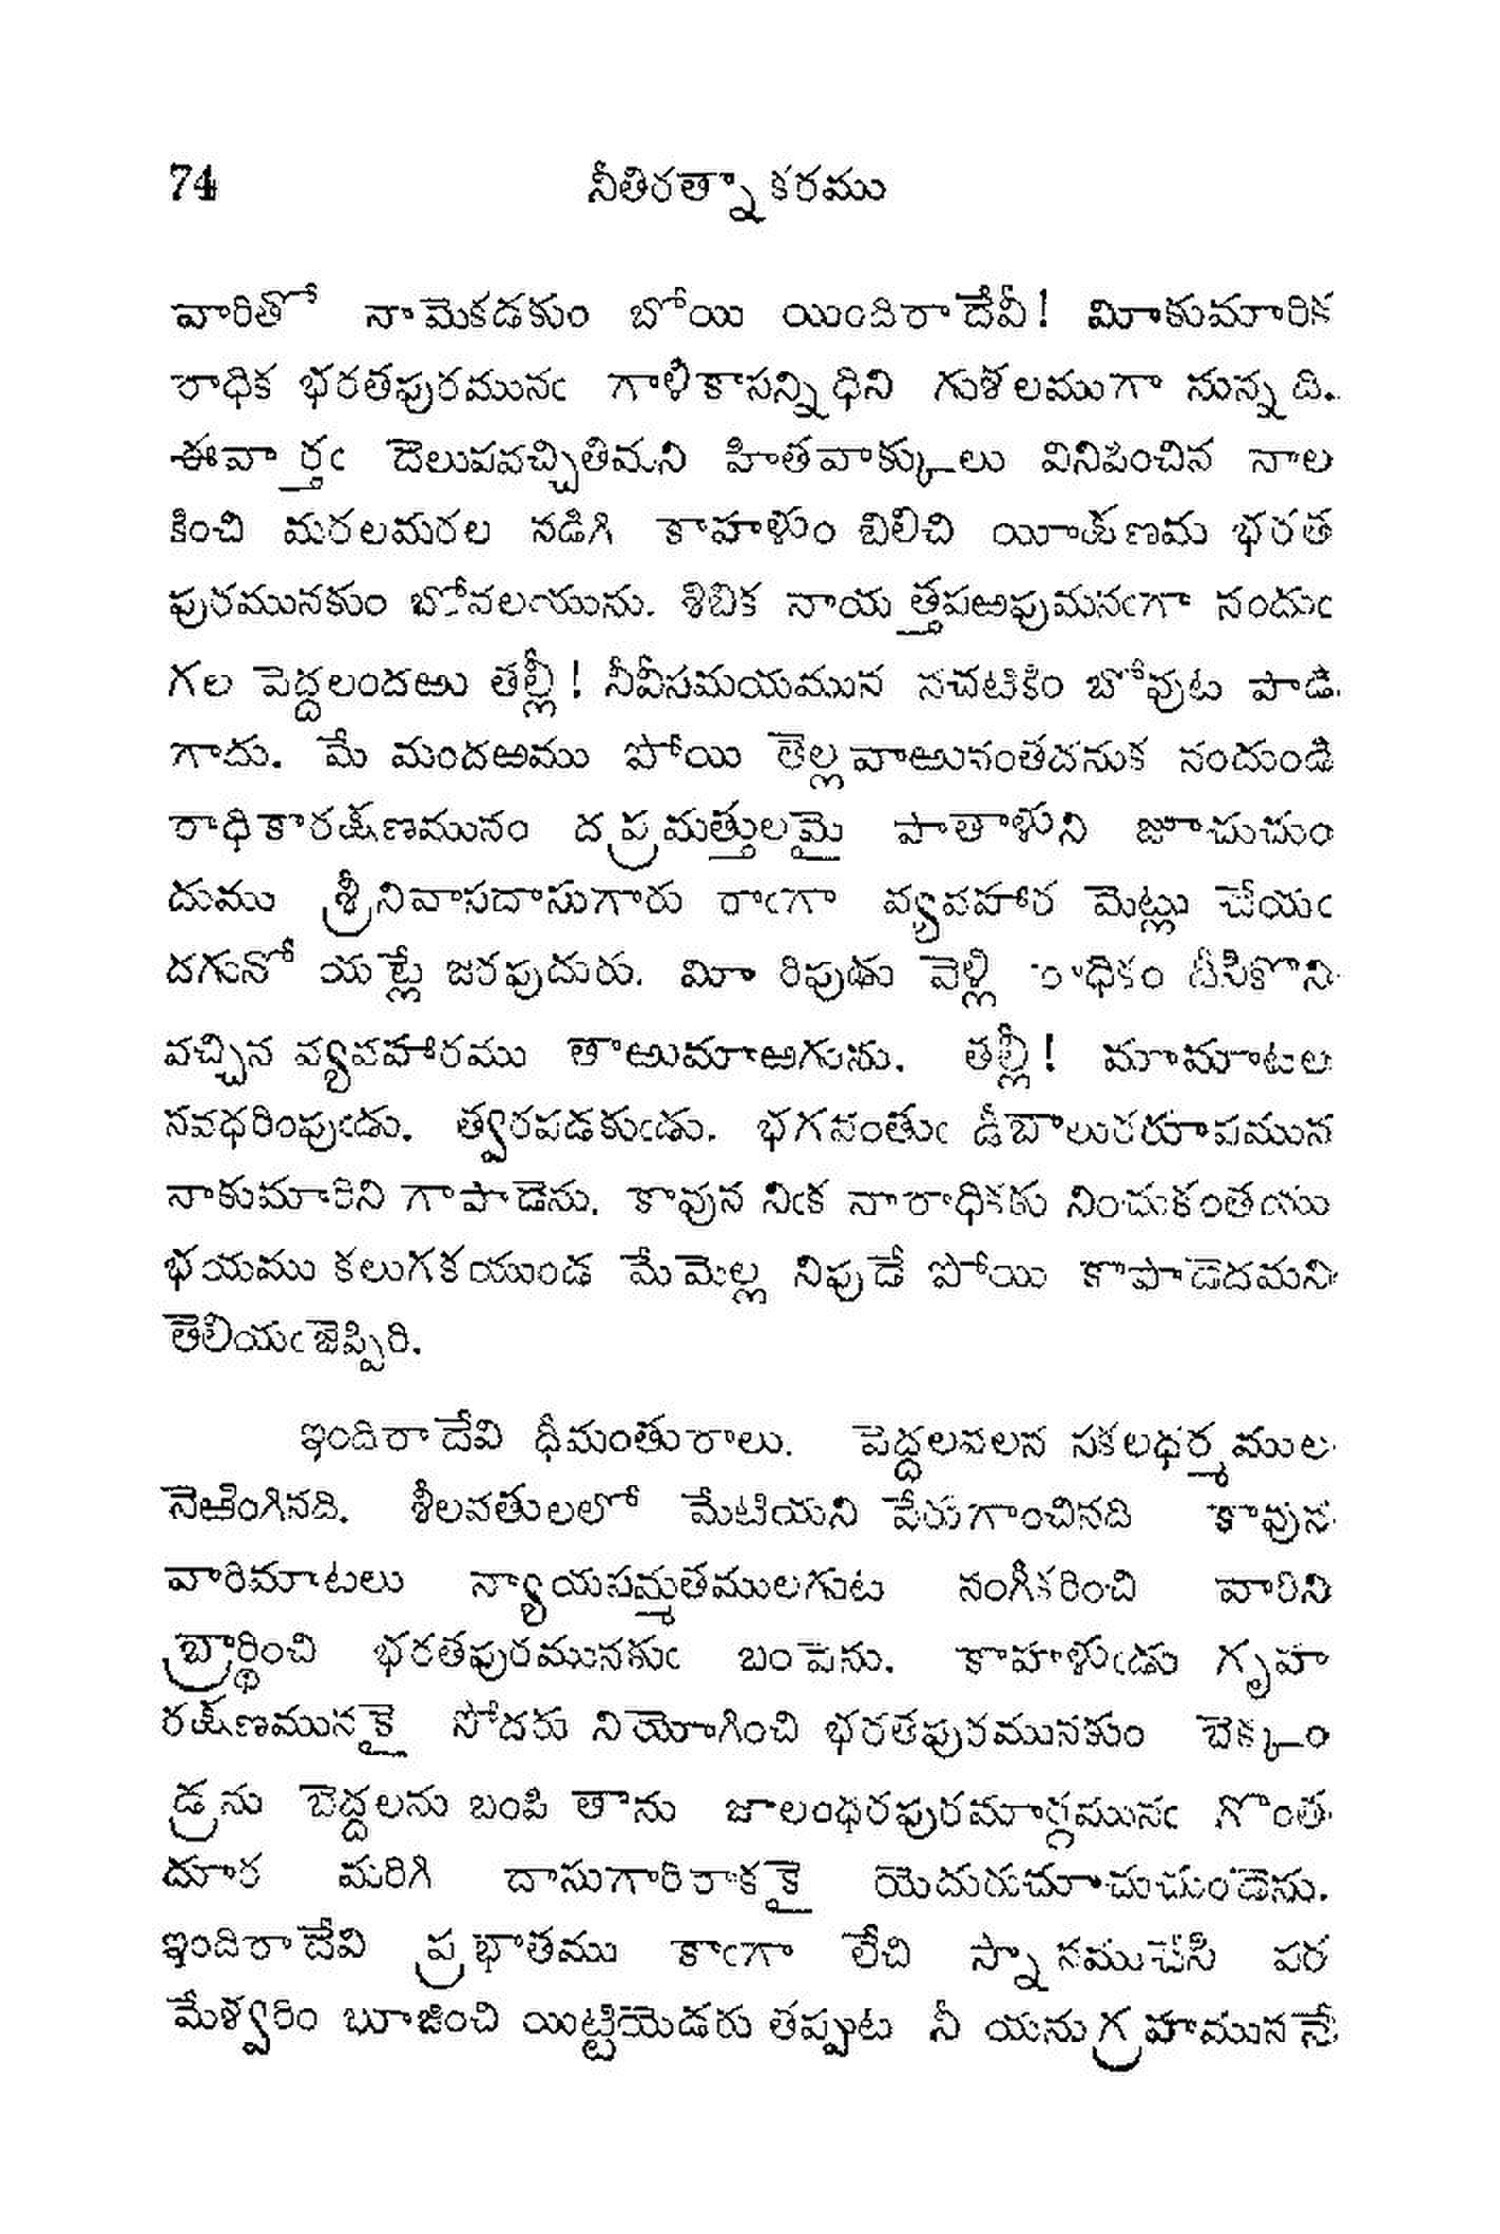వారితో నా మేకడకుం బోయి యిందిరా దేవీ ! మీకుమారిక రాధిక భరతపురమునఁ గాళికాసన్నిధిని గుశలముగా నున్నది. ఈవార్తఁ దెలుపవచ్చితిమని హిత వాక్కులు వినిపించిన నాలకించి మరలమరల నడిగి కాహళుం బిలిచి యీక్షణమ భరత పురమునకుం బోవలయును. శిబిక నాయత్తపఱుపుమనఁగా నందుఁ గల పెద్ద లందఱు తల్లీ ! నీవీ సమయమున నచటికిం బోవుట పాడి గాదు. మే మందఱము పోయి తెల్ల వాఱునంతదనుక నందుండి రాధికా రక్షణమునం దప్రమత్తులమై 'పాతాళుని జూచుచుం దుము శ్రీనివాసదాసుగారు రాఁగా వ్యవహార మెట్లు చేయఁ దగునో యట్లే జరపుదురు. మీ రిపుడు వెళ్లి రాధికం దీసికొని వచ్చిన వ్యవహారము తాఱుమాఱగును. తల్లీ! మామాటల నవధరింపుఁడు. త్వరపడకుఁడు. భగవంతుఁ డిబాలుర రూపమున నాకుమారిని గాపాడెను. కావున నిఁక నారాధికకు నించు కంతయు భయము కలుగకయుండ మేమెల్ల నిపుడే పోయి కాపాడెదమని తెలియఁ జెప్పిరి.

ఇందిరా దేవి ధీమంతురాలు. పెద్దలవలన సకలధర్మములు నెఱింగినది. శీలవతులలో మేటియని పేరు గాంచినది కావున వారిమాటలు న్యాయసమ్మతములగుట నంగీకరించి వారిని బ్రార్ధించి భరతపురమునకుఁ బంపెను. కాహళుడు గృహ రక్షణమునకై సోదరు నియోగించి భరతపురమునకుం బెక్కండ్రను బెద్దలను బంపి తాను జాలంధర పురమార్గమునఁ గొంత దూర మరిగి దాసుగారి రాకకై యెదురుచూచుచుండెను. ఇందిరా దేవి ప్రభాతము కాగా లేచి స్నానము చేసి పరమేశ్వరిం బూజించి యిట్టియెడరు తప్పుట నీ యనుగ్రహముననే